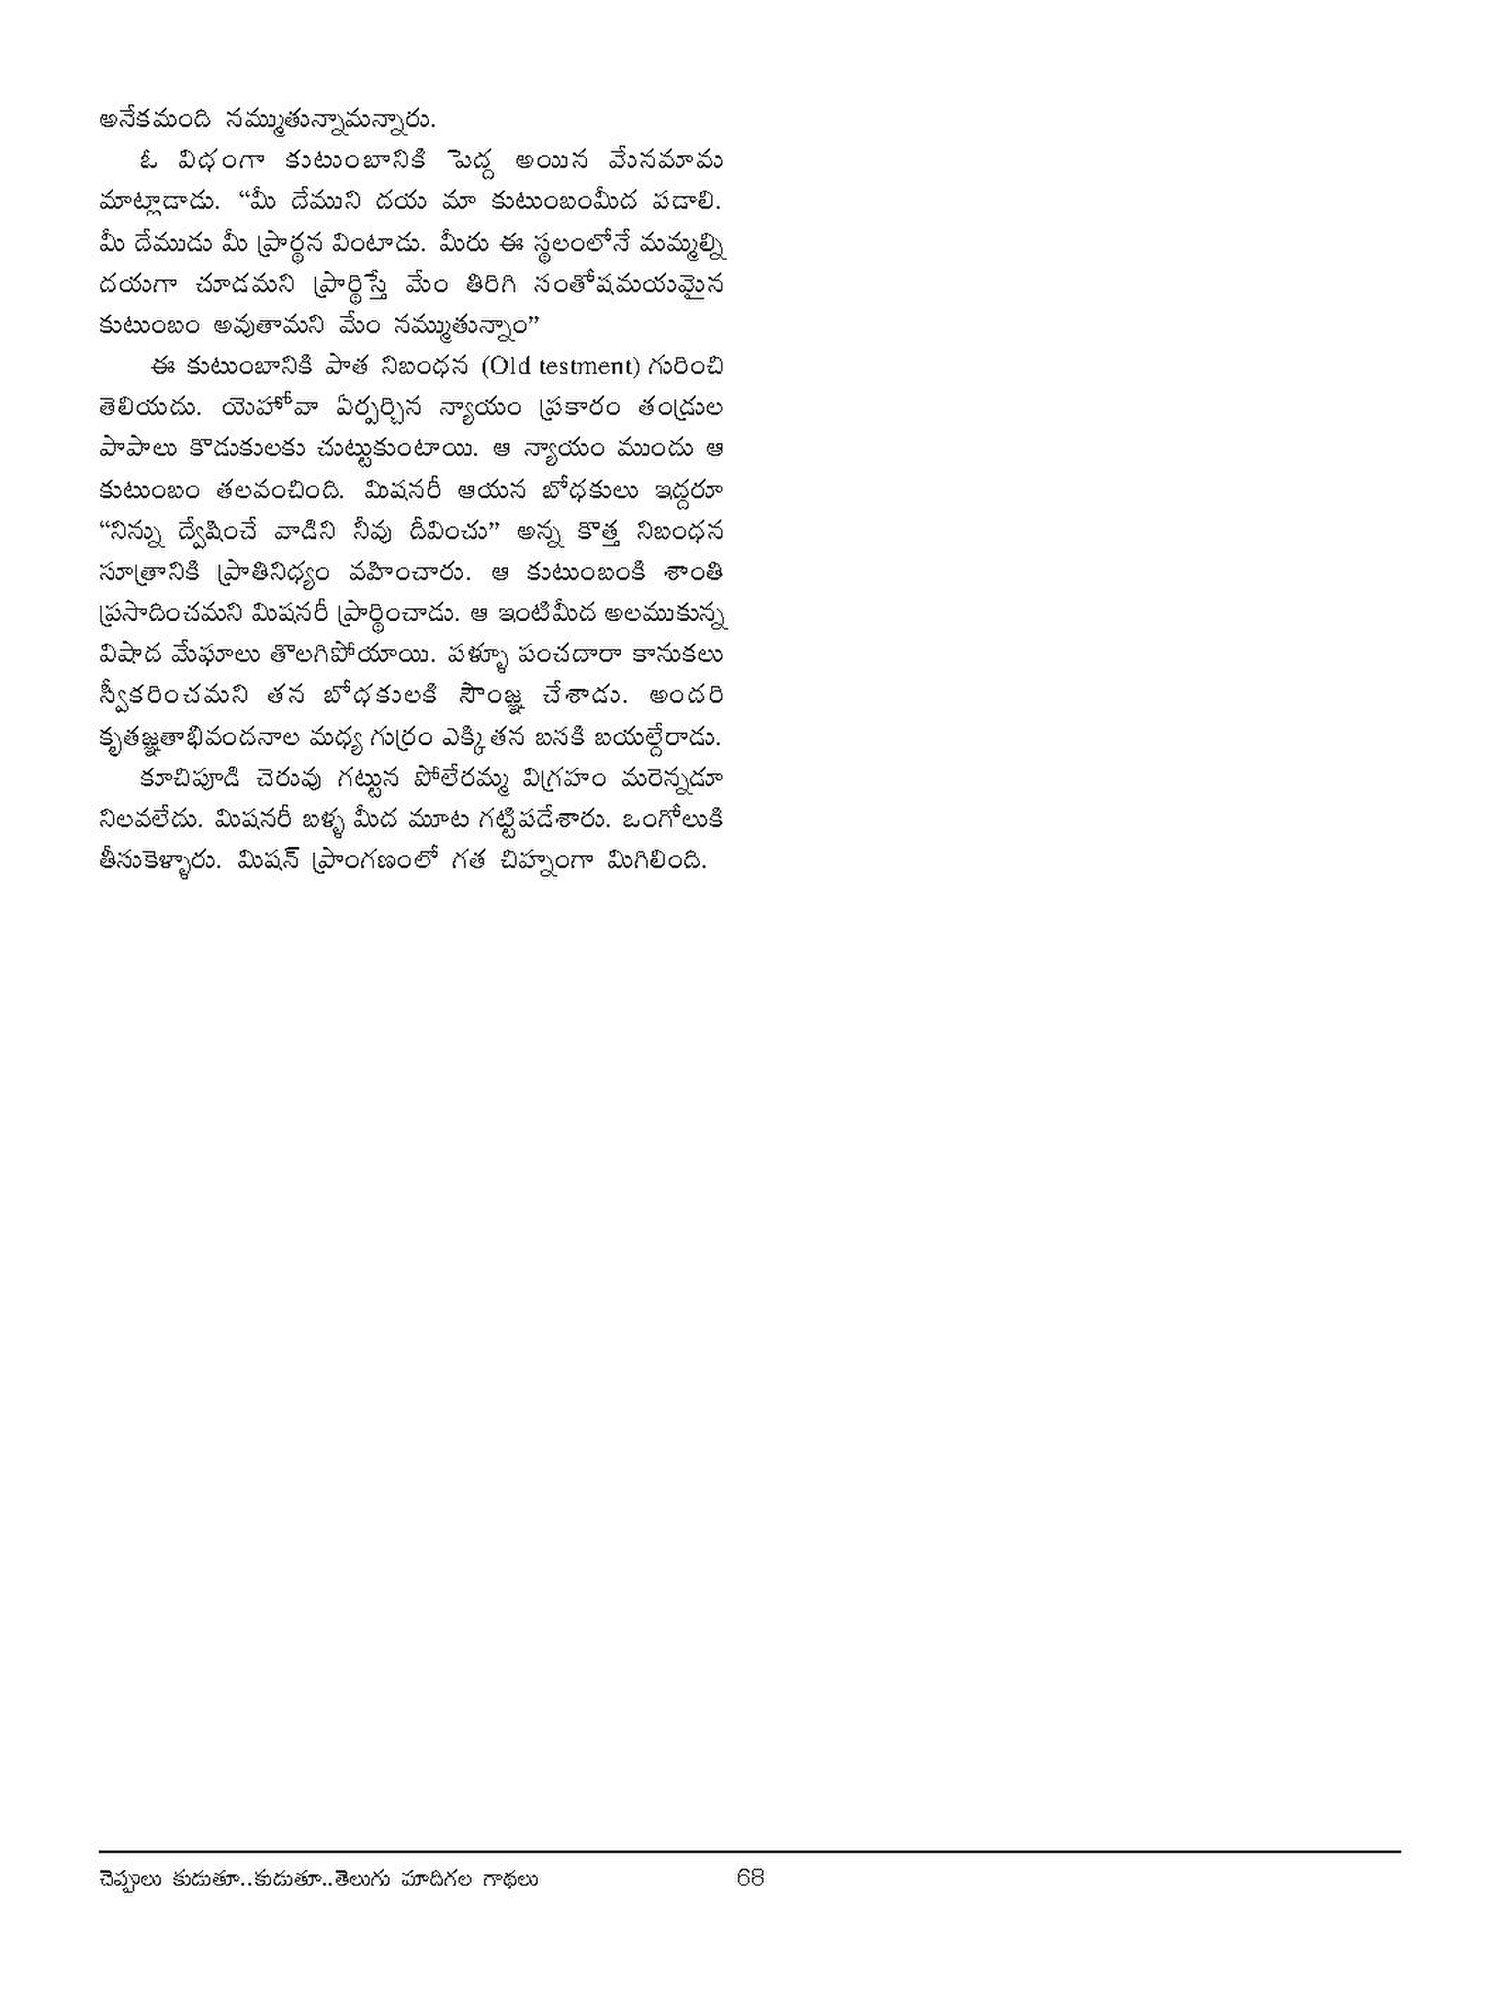అనేకమంది నమ్ముతున్నామన్నారు.

ఓ విధంగా కుటుంబానికి పెద్ద అయిన మేనమామ మాట్లాడాడు. "మీ దేముని దయ మా కుటుంబంమీద పడాలి. మీ దేముడు మీ ప్రార్థన వింటాడు. మీరు ఈ స్థలంలోనే మమ్మల్ని దయగా చూడమని ప్రార్థిస్తే మేం తిరిగి సంతోషమయమైన కుటుంబం అవుతామని మేం నమ్ముతున్నాం”

ఈ కుటుంబానికి పాత నిబంధన (Old testment) గురించి తెలియదు. యెహోవా ఏర్పర్చిన న్యాయం ప్రకారం తండ్రుల పాపాలు కొడుకులకు చుట్టుకుంటాయి. ఆ న్యాయం ముందు ఆ కుటుంబం తలవంచింది. మిషనరీ ఆయన బోధకులు ఇద్దరూ "నిన్ను ద్వేషించే వాడిని నీవు దీవించు" అన్న కొత్త నిబంధన సూత్రానికి ప్రాతినిధ్యం వహించారు. ఆ కుటుంబంకి శాంతి ప్రసాదించమని మిషనరీ ప్రార్థించాడు. ఆ ఇంటిమీద అలముకున్న విషాద మేఘాలు తొలగిపోయాయి. పళ్ళూ పంచదారా కానుకలు
స్వీకరించమని తన బోధకులకి సాంజ్ఞ చేశాడు. అందరి కృతజ్ఞతాభివందనాల మధ్య గుర్రం ఎక్కితన బసకి బయల్దేరాడు.

కూచిపూడి చెరువు గట్టున పోలేరమ్మ విగ్రహం మరెన్నడూ నిలవలేదు. మిషనరీ బళ్ళ మీద మూట గట్టిపడేశారు. ఒంగోలుకి తీసుకెళ్ళారు. మిషన్ ప్రాంగణంలో గత చిహ్నంగా మిగిలింది.